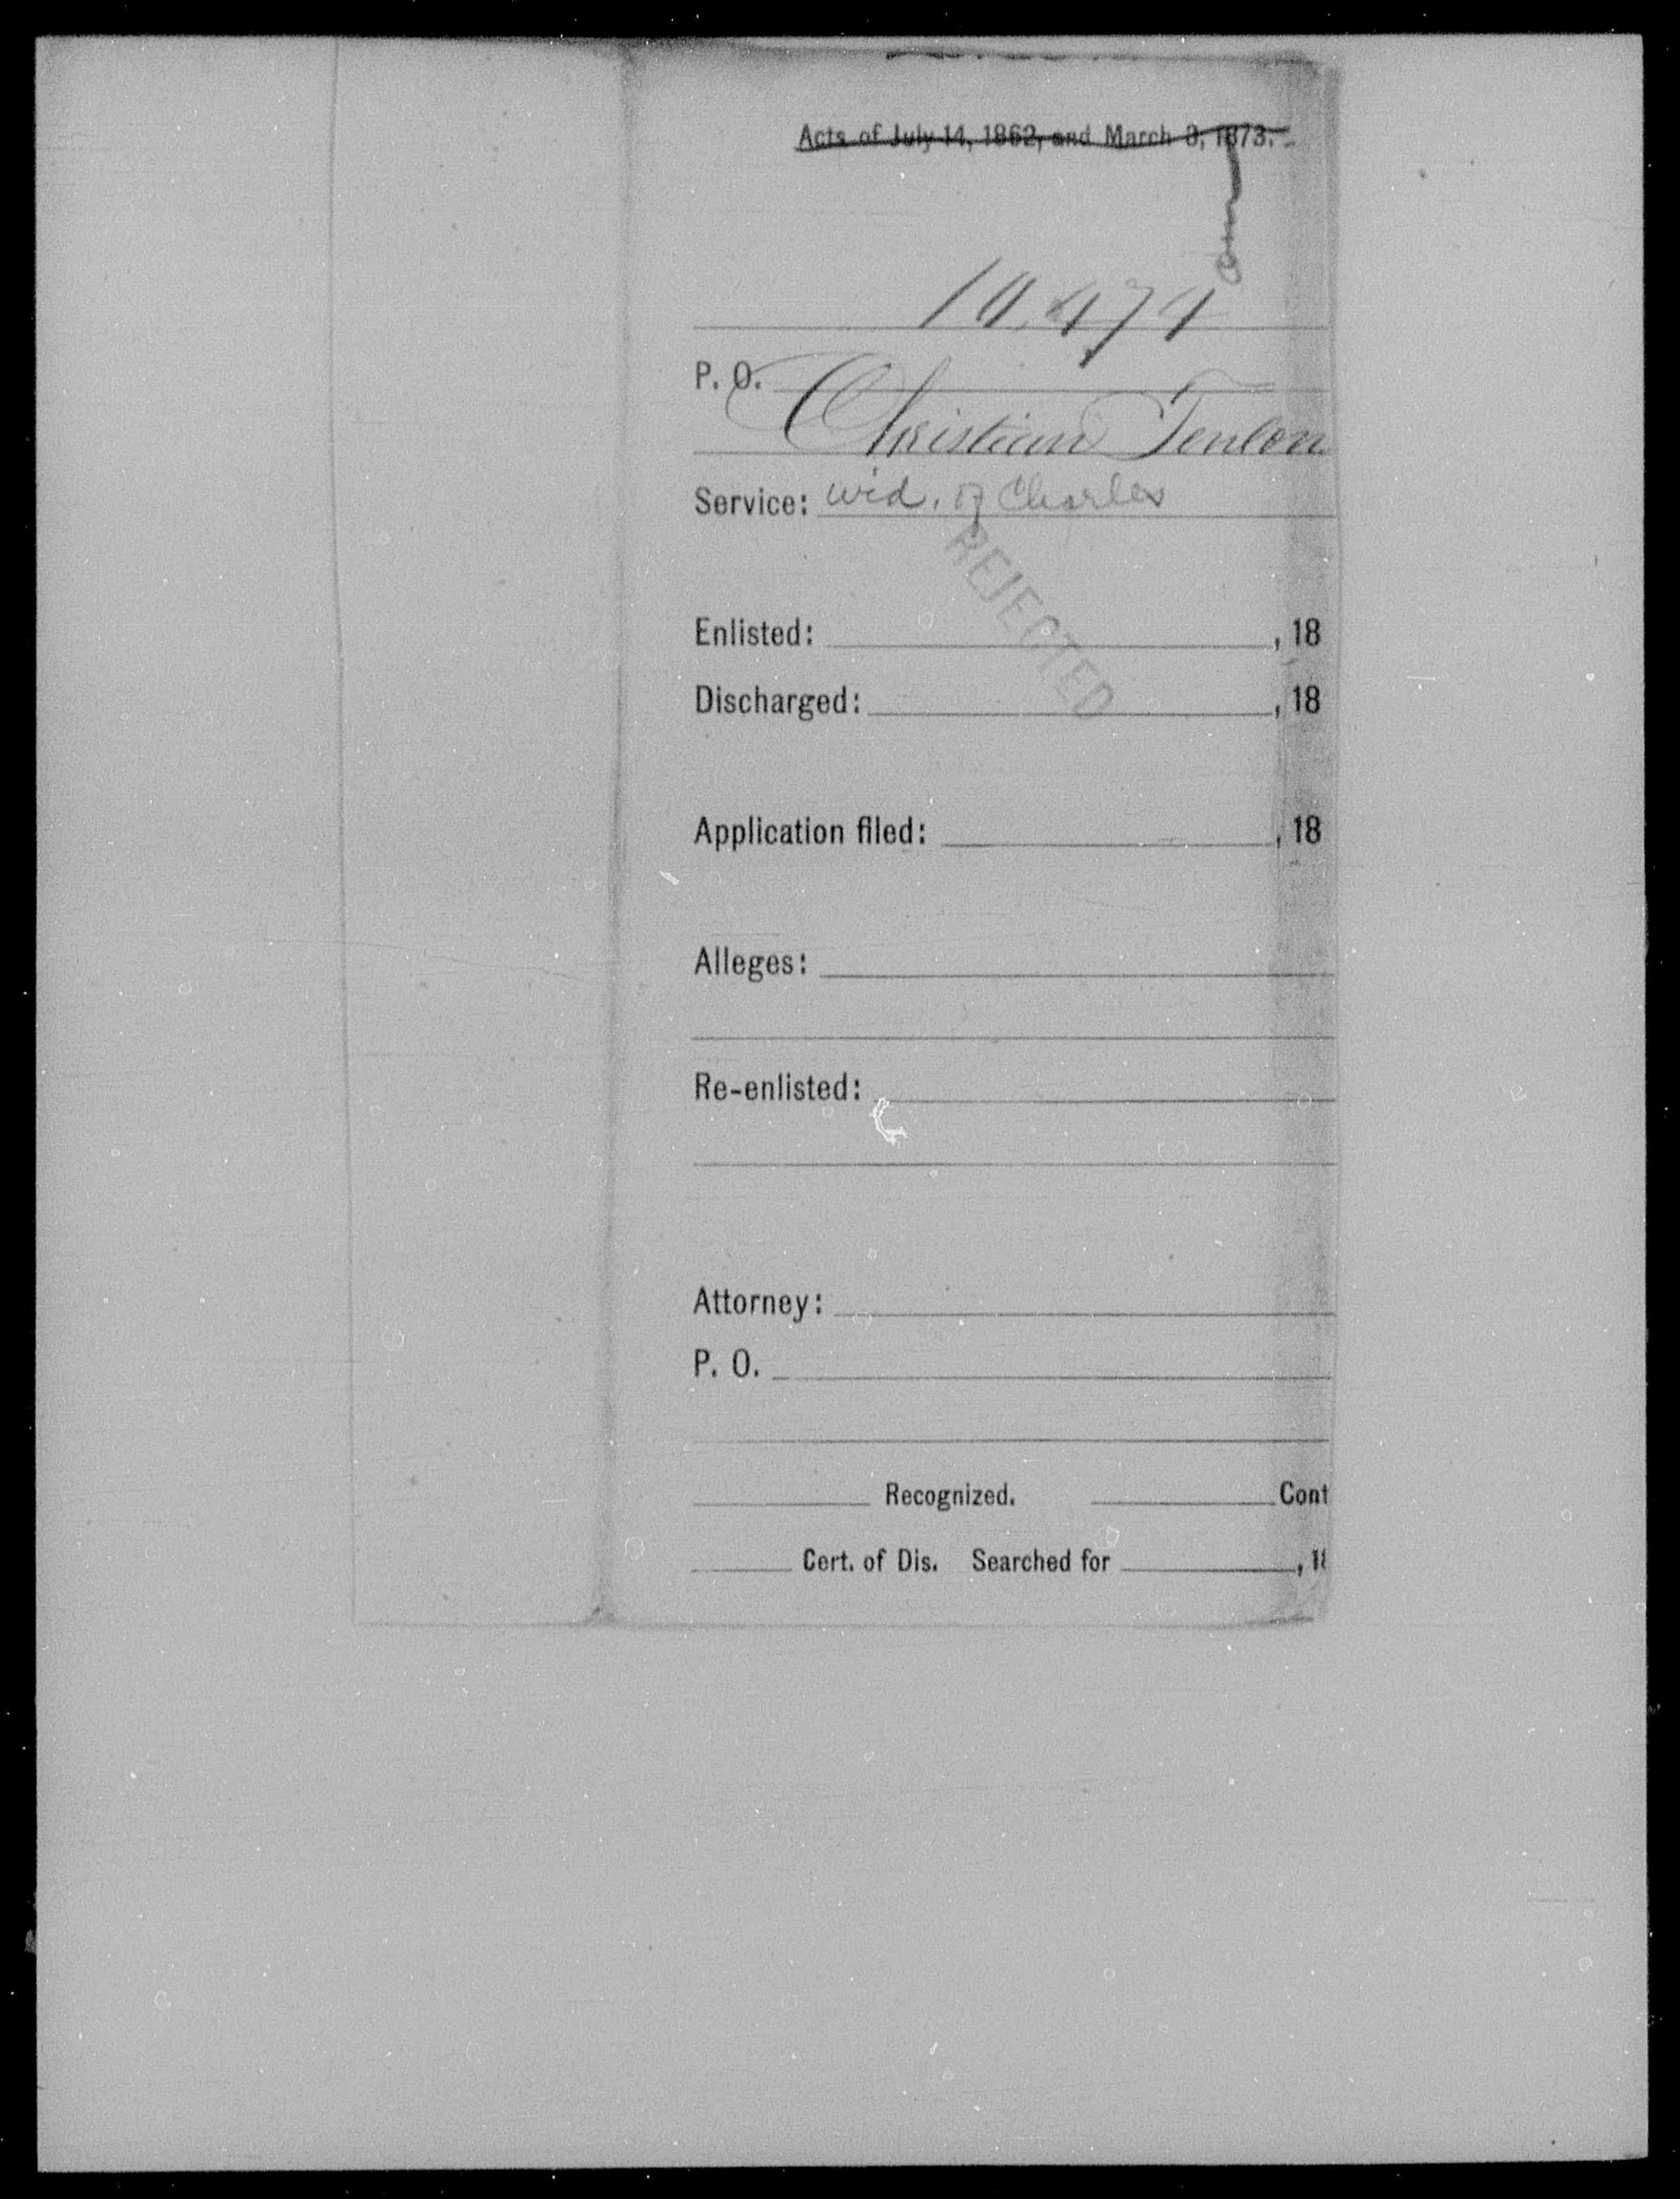(Acts of July 14, 1969, and March 9, 1873 form, scratched out) 

1 ( illegible) 474
Christiana Teulon
wid. of Charles 
(Stamp REJECTED across Enlisted and Discharged lines)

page: 9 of 19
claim: rejected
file: R. 10474, for Charles Teulon, South Carolina